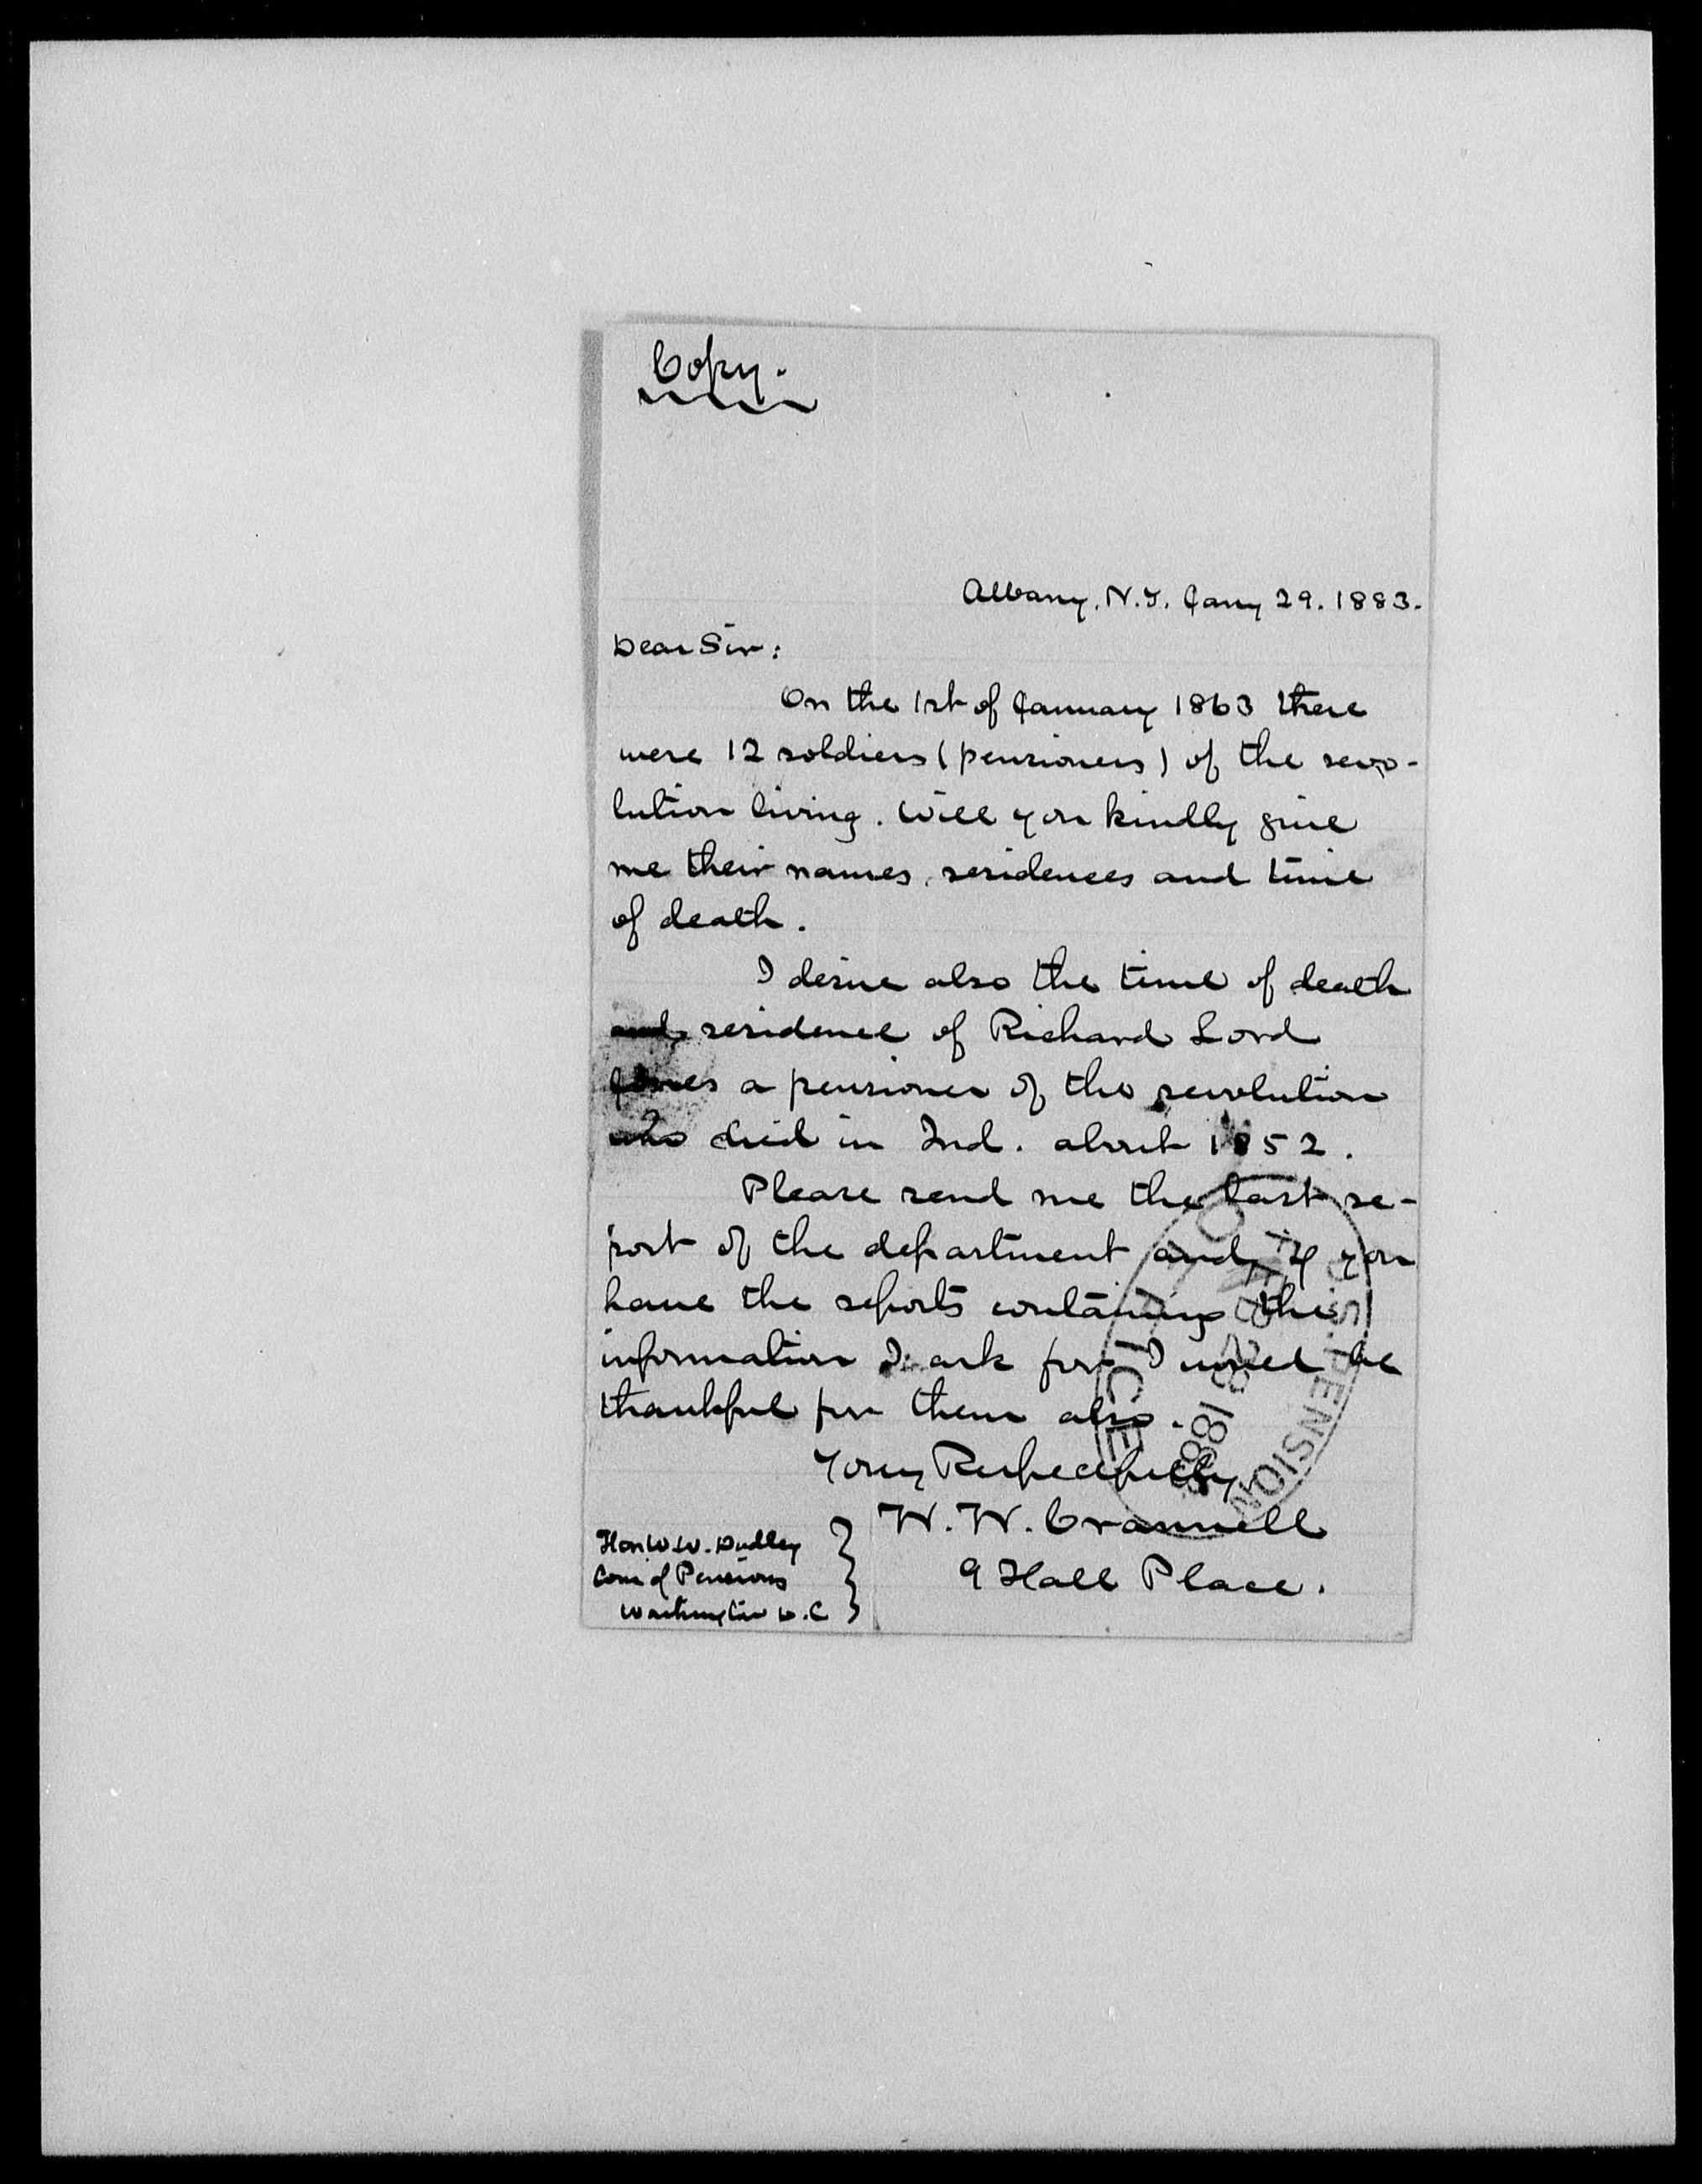Copy
Albany N.Y. Jany 29. 1883.
Dear Sir
Ronald W. Dudley
Com of Pensions
Washington D.C.

On the 1st of January 1863 there
were 12 soldiers (pensioner) of the revolution living, will you kindly give
me their names, residences and time
of death.
I desire also the time of death and
residence of Richard Lord Jones
a pensioner of the revolution
died in Ind. about 1852
Please send me the last report
of the department and if you
have the report containing the
information I ask for I would be the
thankful for them also.
Very Respectfully
W.W. Grannell
9 Hall Place.

Hon W.W. Dudley
Com Of Pensions
Washington D.C.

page: 55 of 62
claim: widow's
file: W. 765, for Richard L Jones, Connecticut